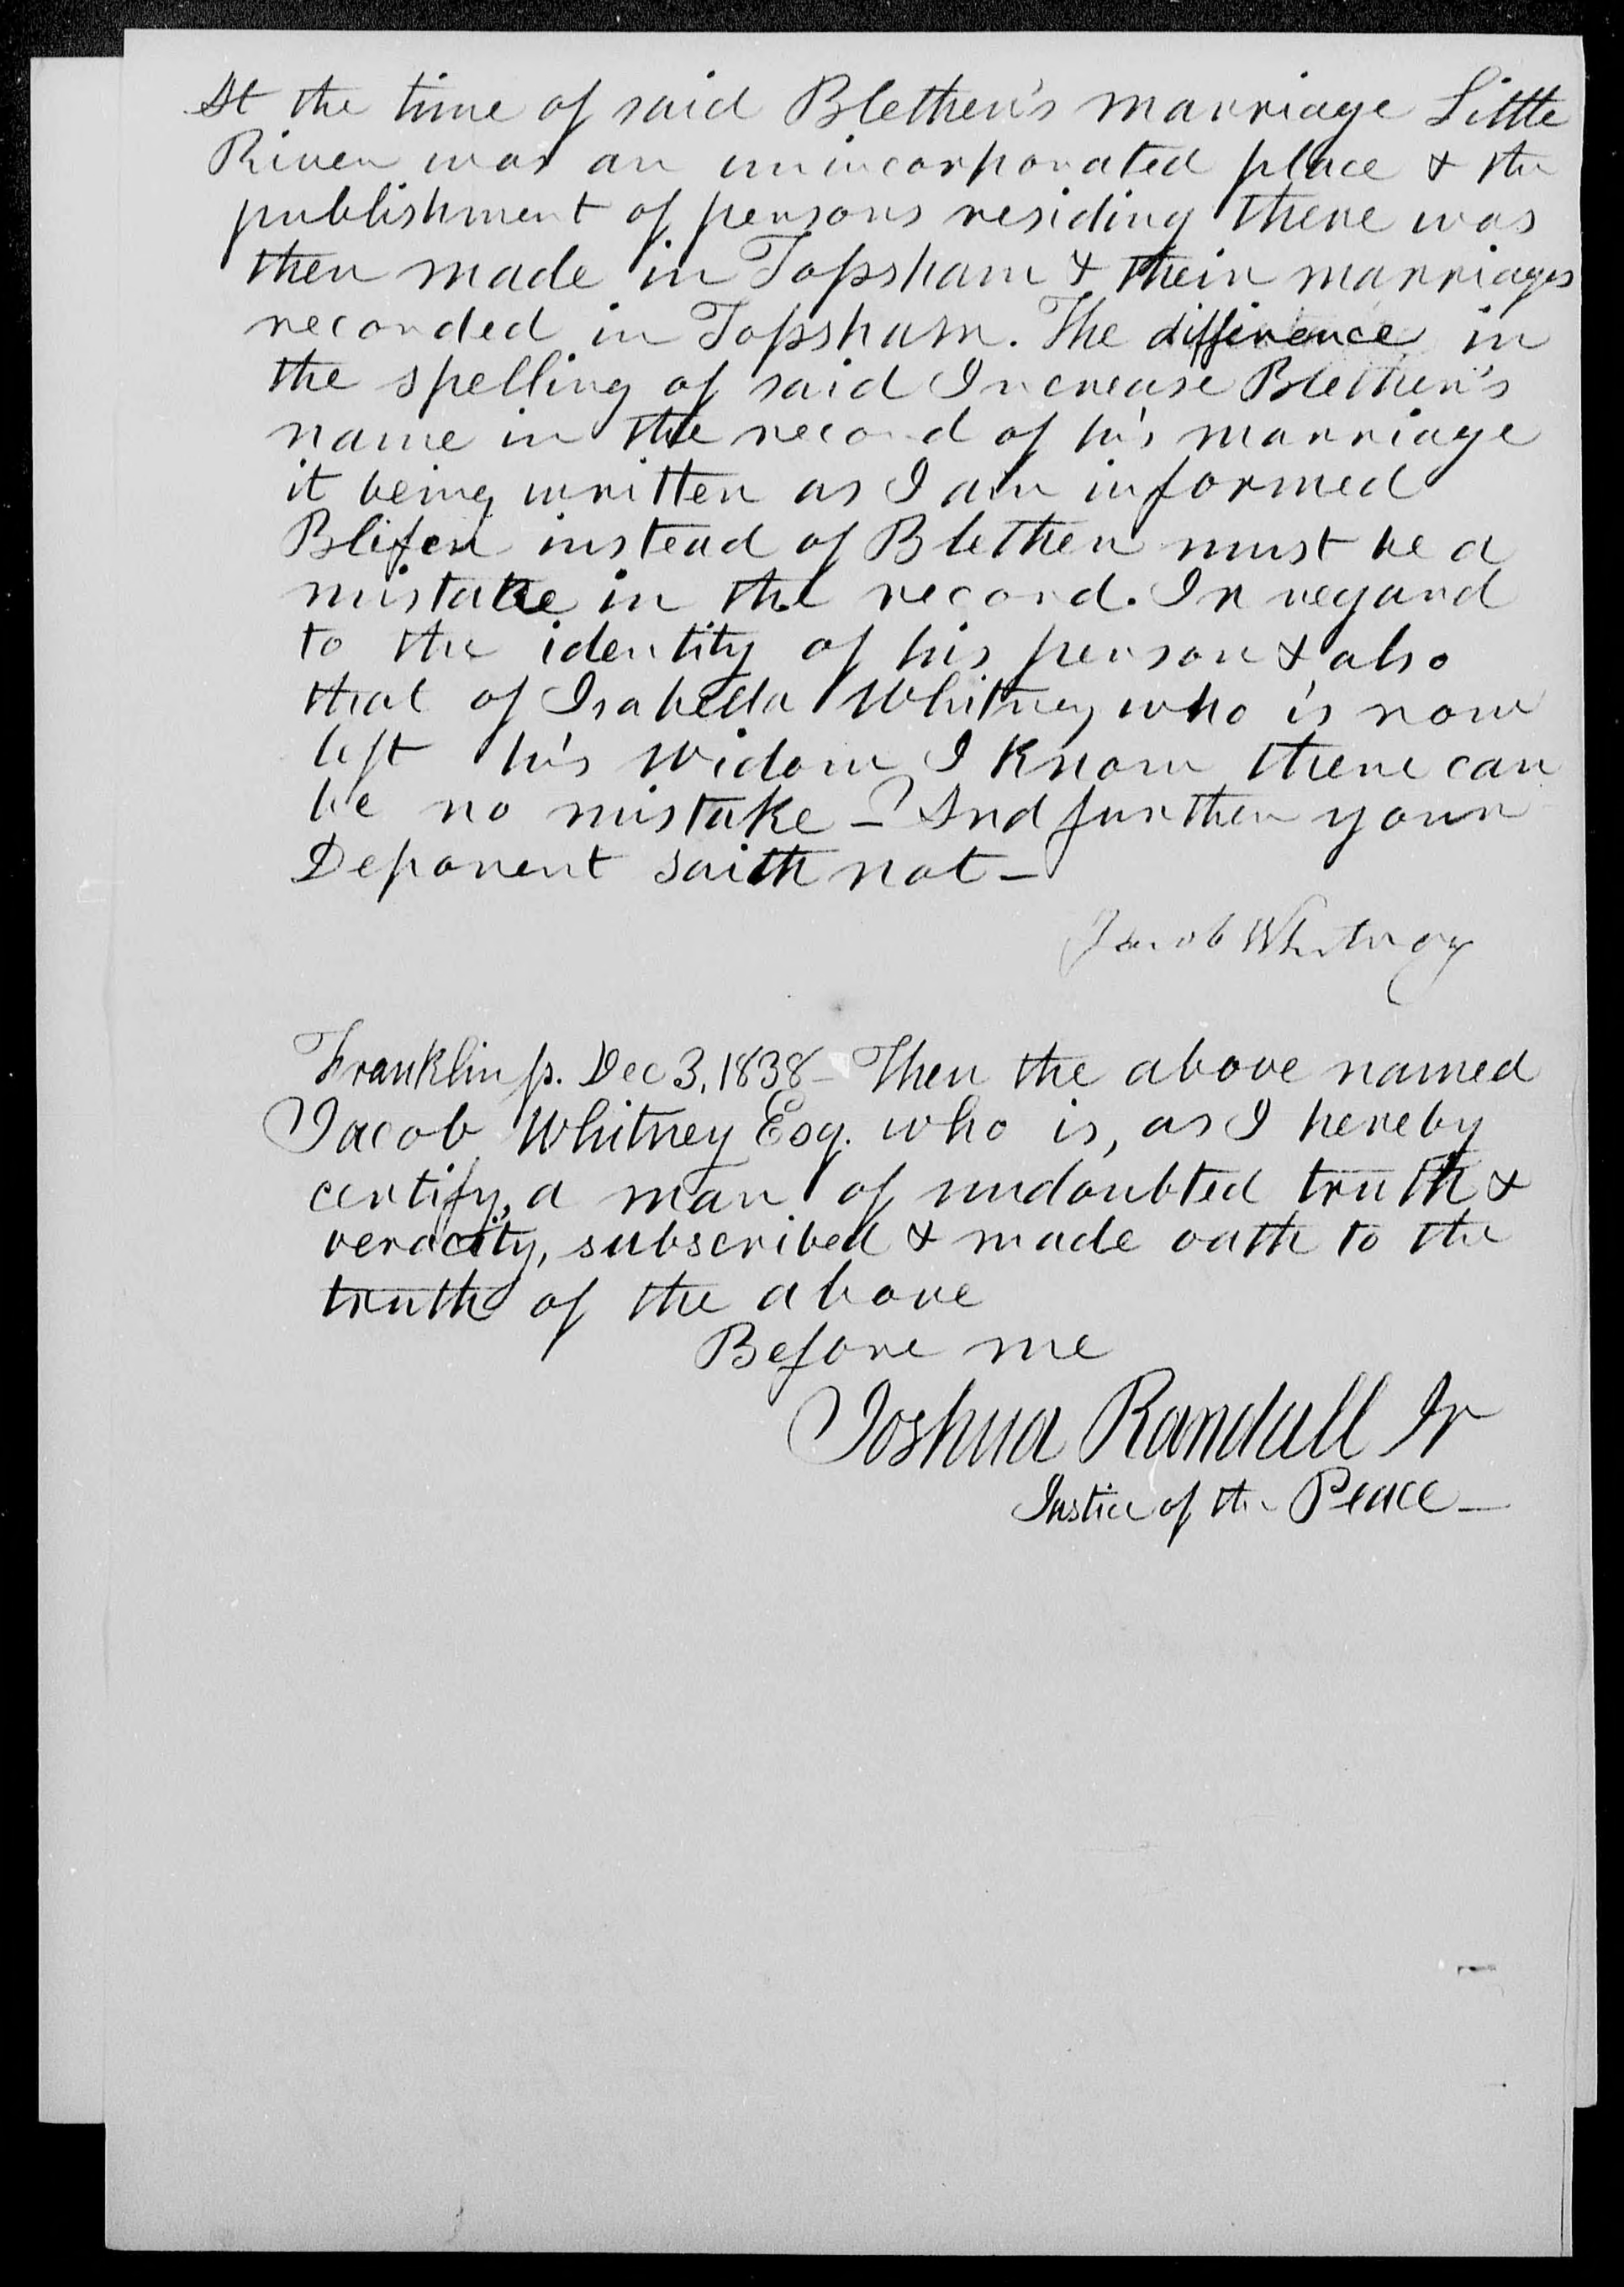At the time of said Blethen's marriage Little
River was an unincorporated place & the
publishment & of persons residing there was
 then made in Topsham & their marriage
recorded in Topsham. The difference in
the spelling of said Increase Blethen's
name in the record of his marriage
it being written as I am informed
Blifen instead of Blethen must be a
mistake in the record. In regard
to the identity of his person & also
that of Isabella Whitney who is now
left his widow I know them can
be no mistake. And further your
Deponent saith not.
Jacob Whitney

Franklin ss. Dec 3. 1838. When the above named
Jacob Whitney Esq. who is, as I hereby
certify, a man of undoubted truth &
veracity, subscribed & made oath to the
truth of the above
Before Me
Josua Randall Jr
Justice of the Peace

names: Increase Blethen, Isabella Whitney, Blethen, Jacob Whitney, Jacob Whitney, Joshua Randall, Blethen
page: 39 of 39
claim: widow's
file: W. 23,621, Increase Blethen, Mass.